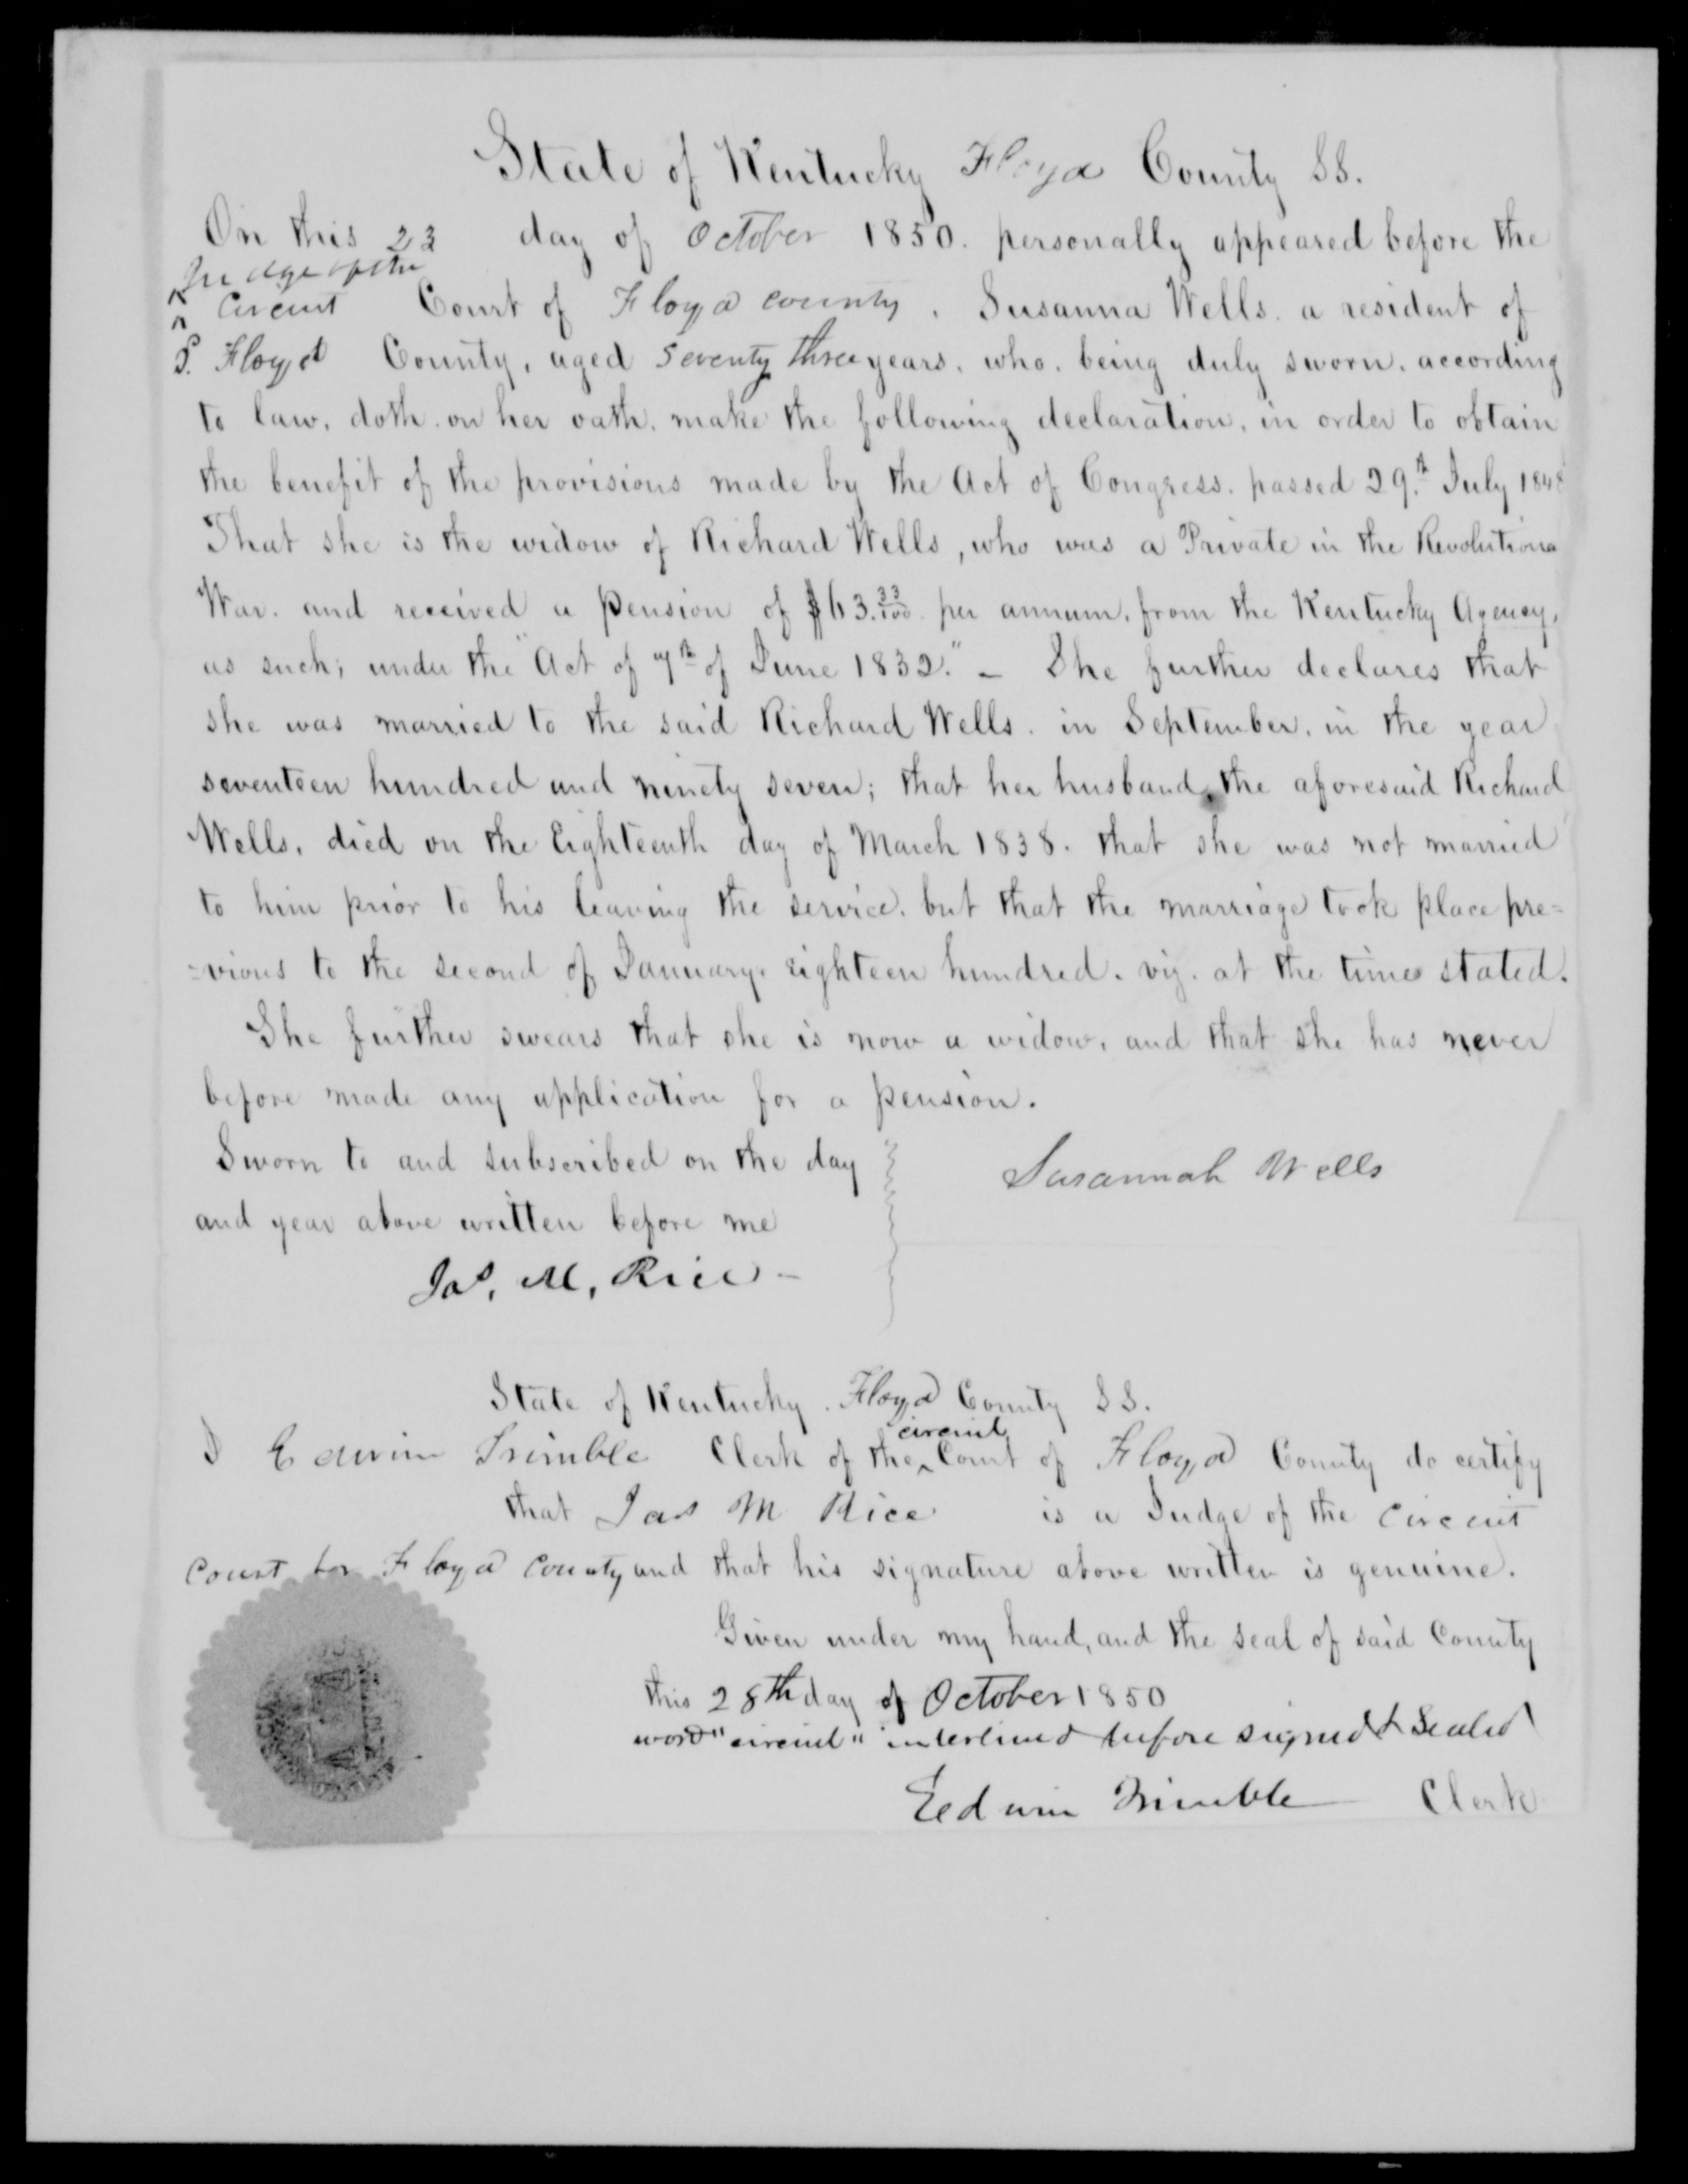State of Kentucky Floyd County SS
On this 23 day of October 1850 personally appeared before the
Judge of the Circuit Court of Floyd County, Susanna Wells, a resident of
Floyd County, aged seventy three years, who being duly sworn according to
law, doth on her oath, make the following declaration, in order to obtain
the benefit of the provisions made by the act of Congress, passed 29th July 1838.
That she is the widow of Richard Wells, who was a Private in the Revolutionary
War, and received a pension of $63.33 per annum from the Kentucky Agency.
as such, under the Act of 7 of June 1832. She further declares that
she was married to the said Richard Wells, in September, in the year
seventeen hundred and ninety seven; that her husband the aforesaid Richard
Wells, died on the Eighteenth day of March 1838. that she was not married
to him prior to his leaving the service, but that the marriage took place previous
to the second of January Eighteen hundred, viz. at the time stated.
She further swears that she is now a widow, and that she has never
before made any application for a pension
Susannah Wells

Sworn to and subscribed on the day
and year above written before me
Jas. M. Rice

State of Kentucky, Floyd County SS
I Edwin Trimble Clerk of the [insert] Circuit Court of Floyd County do certify
that Jas M Rice is a Judge of the Circuit Court for Floyd County
 and that his signature above written is genuine.
Given under my hand, and the seal of said County
this 28th day of October 1850.
word "circuit” interlined before signed & sealed
Edwin Trimble Clerk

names: Richard Wells, Jas M Rice, Edwin Trimble, Susanna Wells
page: 74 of 100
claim: widow's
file: W. 6437, Richard Wells, Ga Va.